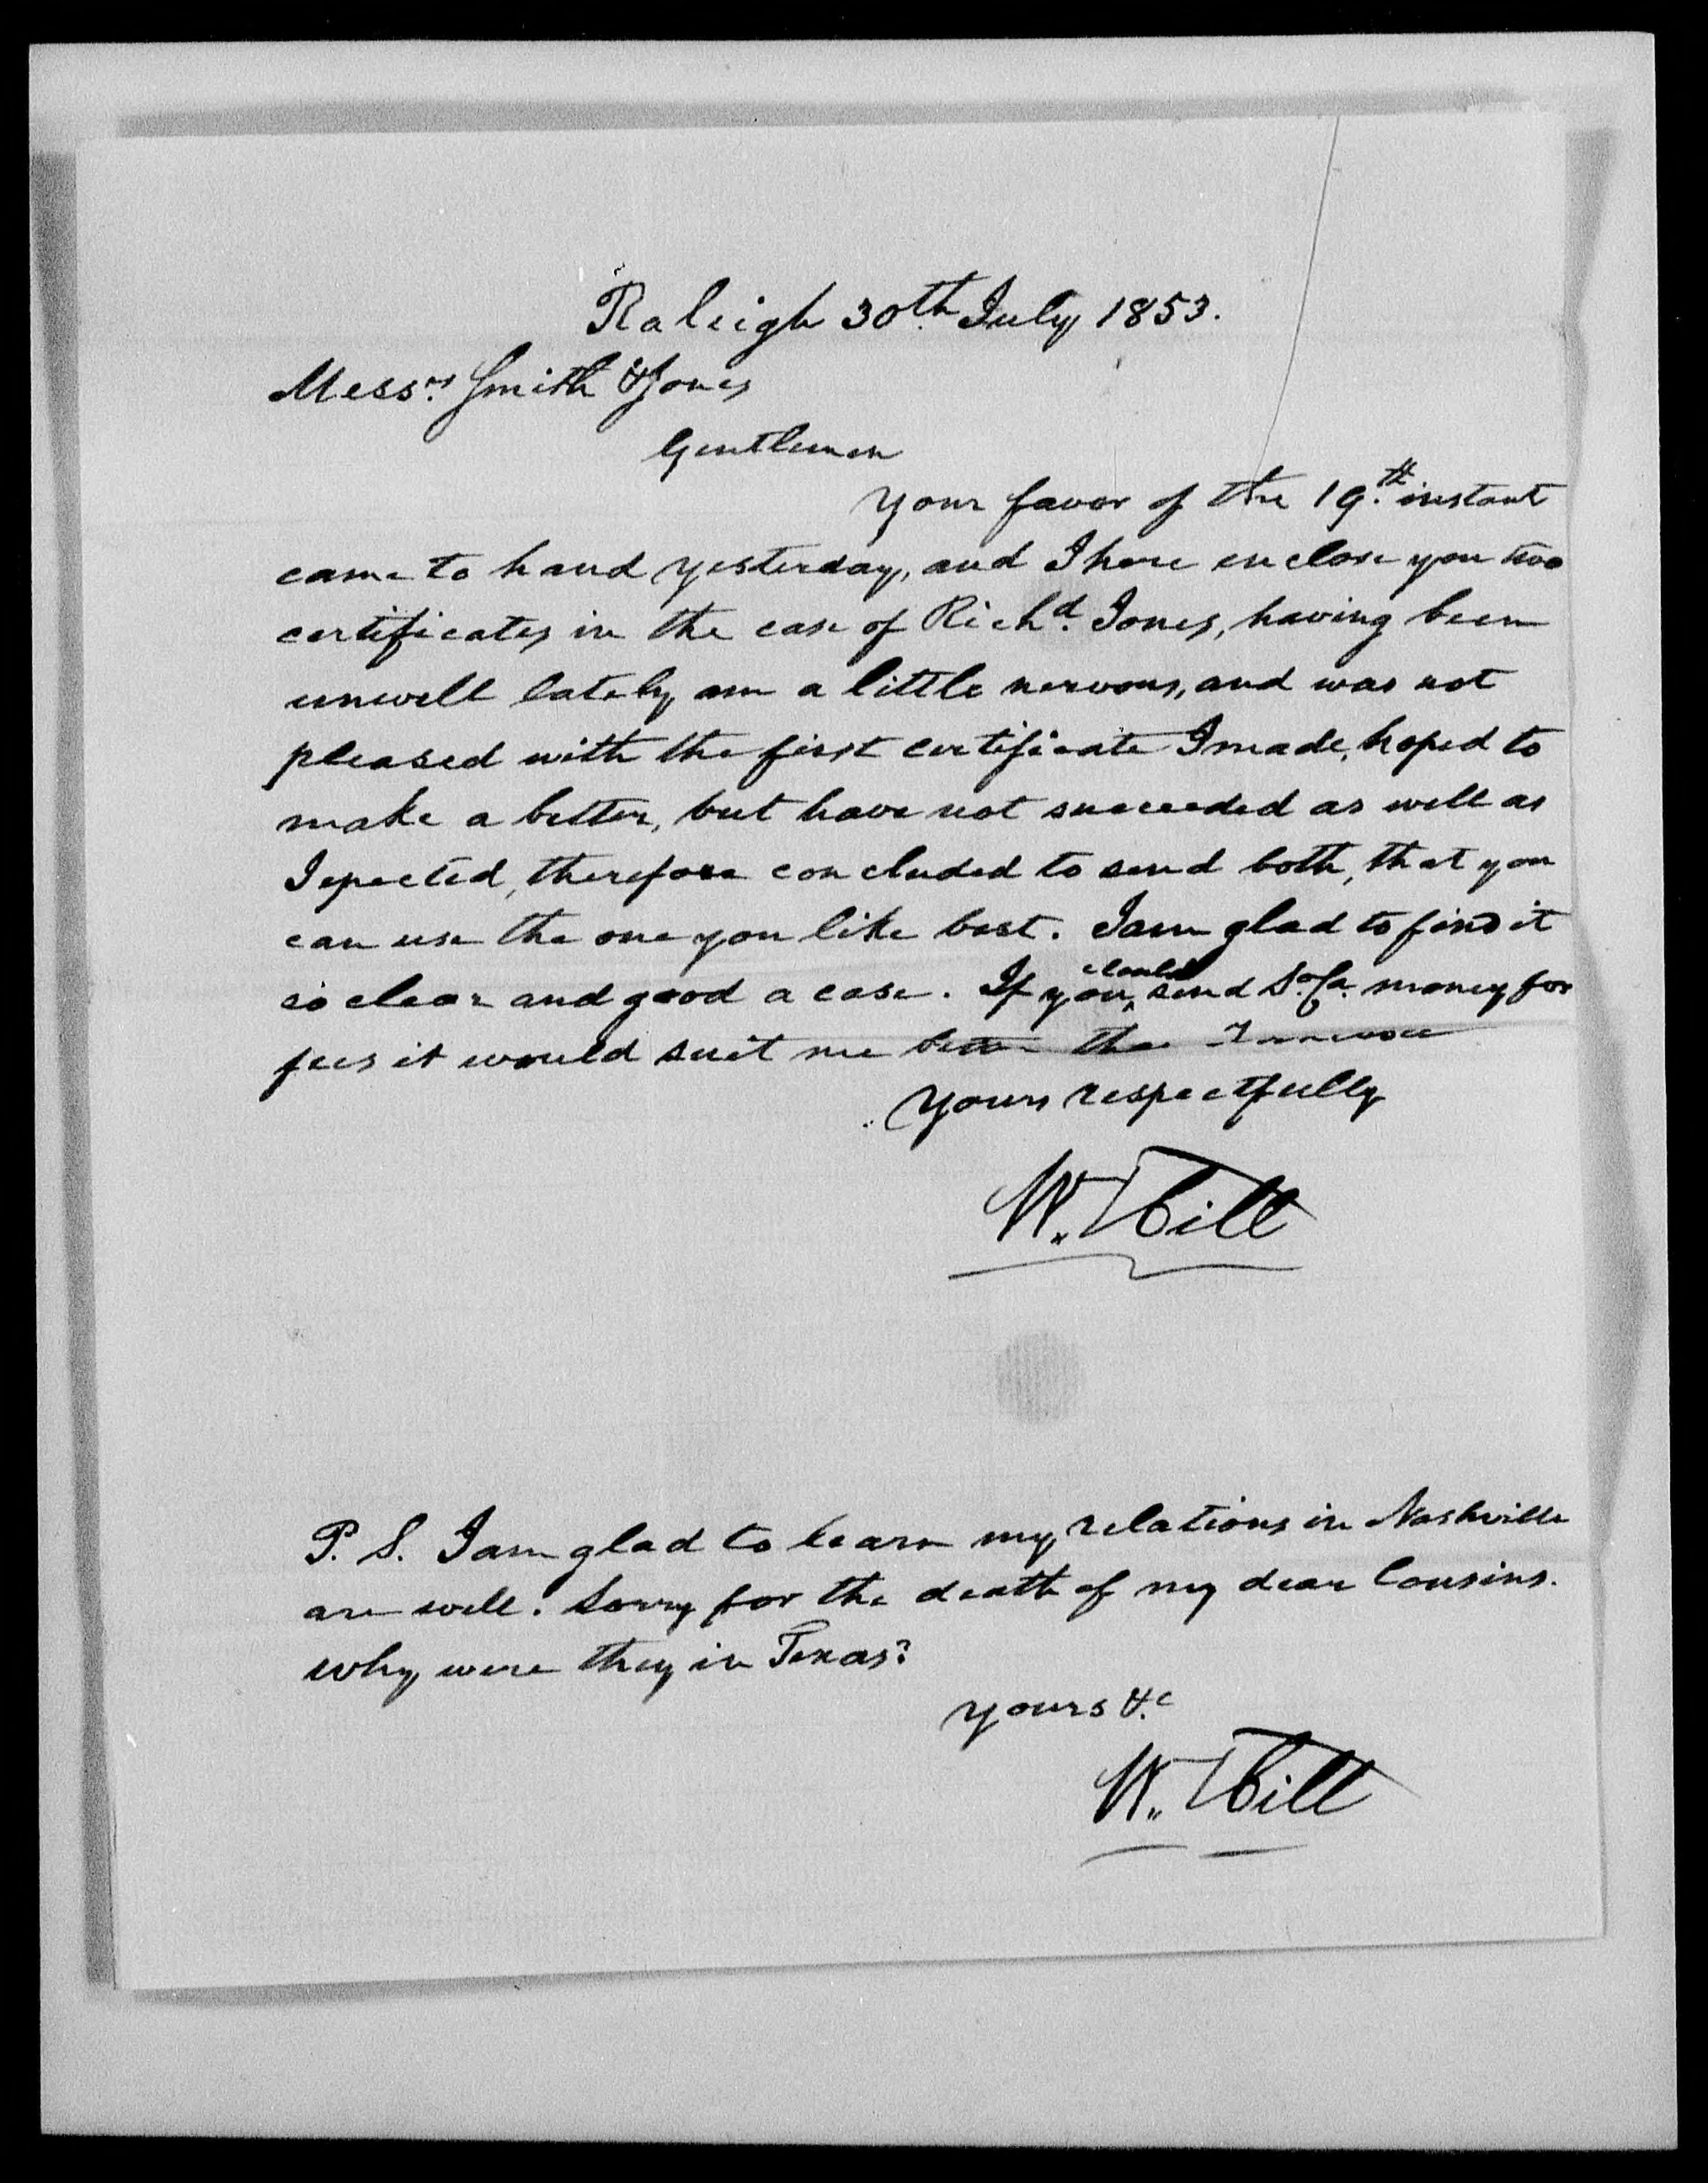Raleigh  30th July 1853.

Messrs. Smith & Jones

Gentlemen

Your favor of the 19th instant
came to hand yesterday, and I have enclose you two 
certificates in the case of Richd. Jones, having been 
unwell lately am a little nervous, and was not 
pleased with the first certificate I made, hoped to
make a better, but have not succeeded as well as 
I expected, therefore concluded to send both, that you 
can use the one you like best.  I am glad to find it 
as clear and good a case.  If you could send So. Ca. money 
for 
fees it would suit me better than Tennessee

Yours respectfully

W. Hill


P.S.  I am glad to hear my relations in Nashville
are well.  Sorry for the death of my dear Cousins.
Why were they in Texas?

Yours &c.
W. Hill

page: 31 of 33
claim: rejected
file: R. 1554, for Richard Jones, North Carolina